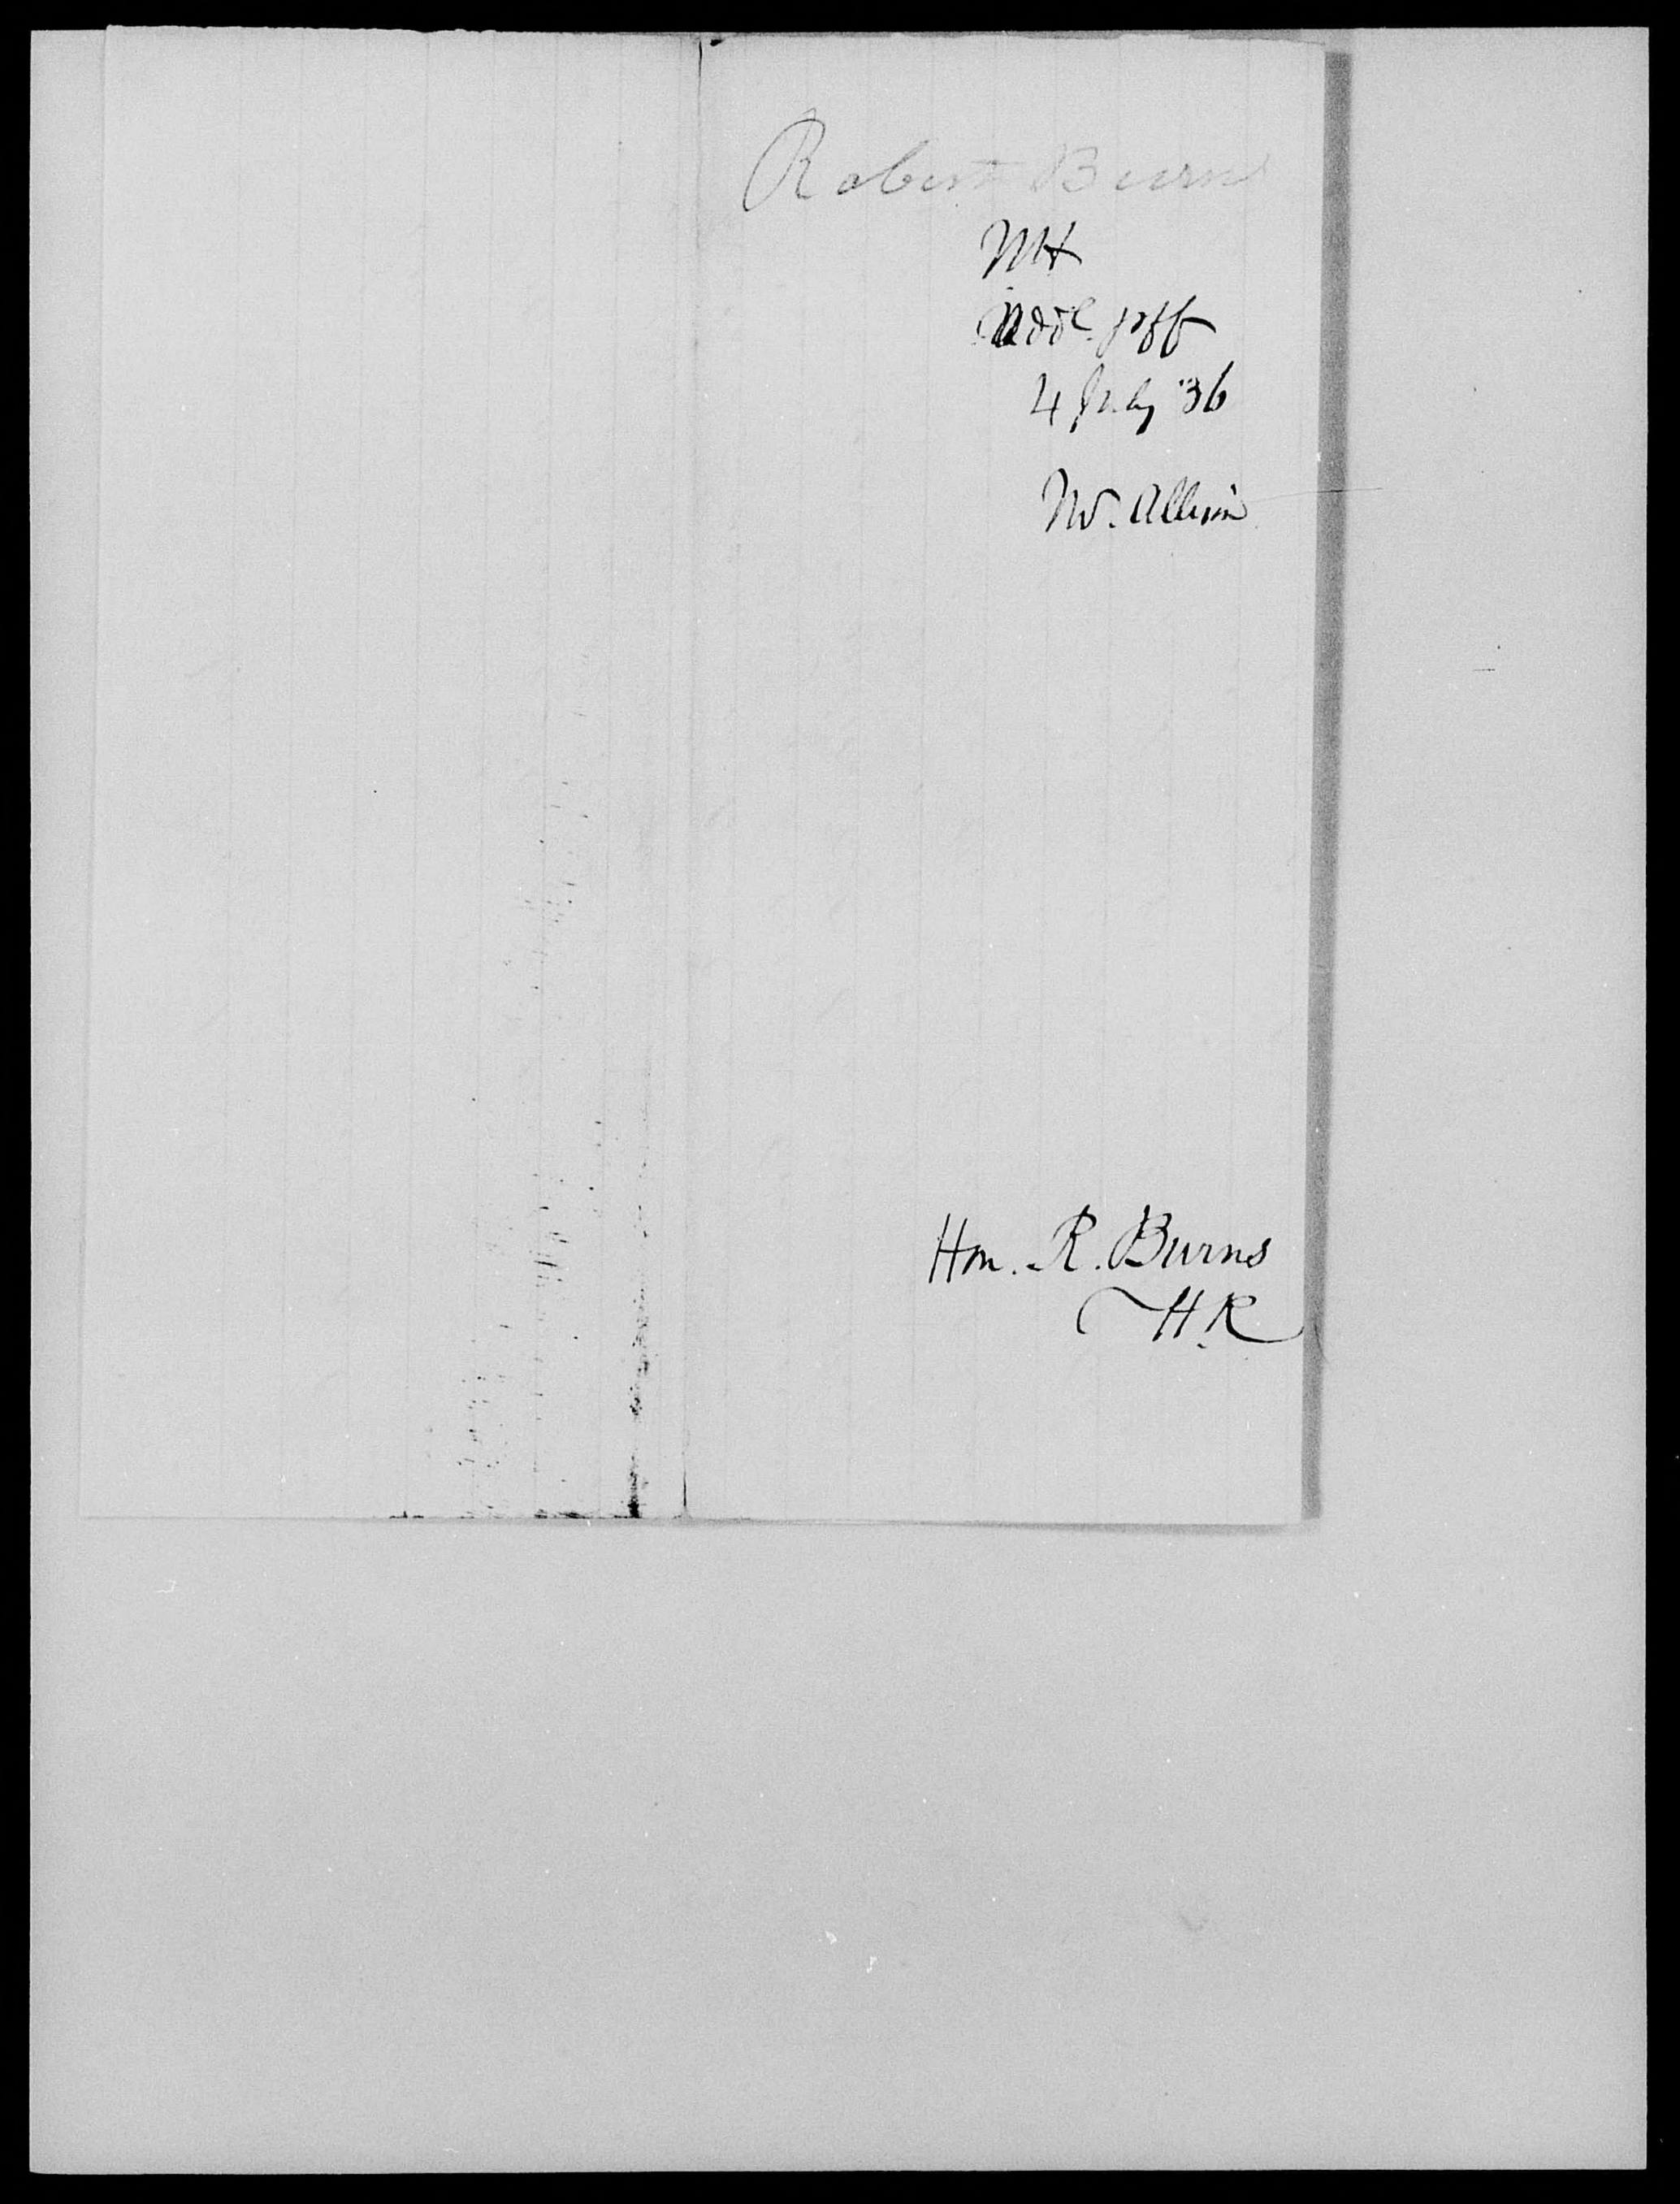Robert Burns

NH
Addl pff

4 July '36

W. Allison

Hon. R. Burns
HR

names: Robert Burns; Jno Allison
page: 34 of 40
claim: widow's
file: W. 16058, for George Potter, Rhode Island